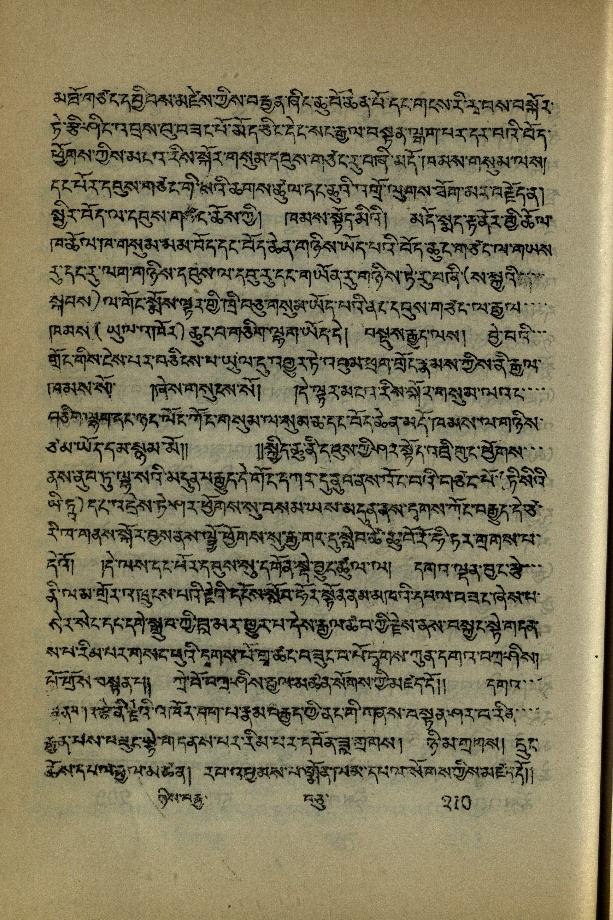མཐོ་གཙང་དབྱིབས་མཛེས་ཀྱིས་བརྒྱན་ཞིང་ཆུ་བོ་ཆེན་པོ་དང་གངས་རི་རྭ་བས་བསྐོར་
ཏེ་རྩེ་ཤིང་འབྲས་བུ་བཟང་པོ་མོད་ཅིང་དེང་སང་རྒྱལ་བསྟན་ལྷག་པར་དར་བའི་བོད་
ཕྱོགས་ཀྱིས་མངའ་རིས་སྐོར་གསུམ་དབུས་གཙང་རུ་བཞི་མདོ་ཁམས་གསུམ་ལས།
དང་པོར་དབུས་གཙང་གི་སའི་ཆགས་ཚུལ་དང་ཆུའི་འགྲོ་ལུགས་ཐོག་མར་བརྗོད་ན།
སྤྱིར་བོད་ལ་དབུས་གཙང་ཆོས་ཀྱི། ཁམས་སྟོད་མིའི། མདོ་སྨད་རྟ་ནོར་གྱི་ཆོལ་
ཁ་ཆོལ་ཁ་གསུམ་མམ་བོད་དང་བོད་ཆེན་གཉིས་ཡོད་པའི་བོད་ཆུང་གཙང་ལ་གཡས་
རུ་དང་རུ་ལག་གཉིས་དབུས་ལ་དབུ་རུ་དང་གཡོན་རུ་གཉིས་ཏེ་རུ་བཞི་ས་སྐྱའི་
སྐབས་ལ་གོང་སྨོས་ལྟར་གྱི་ཁྲི་བཅུ་གསུམ་ཡོད་པའི་ནང་དབུས་གཙང་ལ་རྒྱལ་
ཁམས་་ཡུལ་འཁོར་ཆུང་བ་གཅིག་ལྷག་ཡོད་དེ། བསྡུས་རྒྱུད་ལས། བྱེ་བའི་
གྲོང་གིས་ངེས་པར་བཅིངས་པ་ཡུལ་དུ་འགྱུར་ཏེ་འབུམ་ཕྲག་གྲོང་རྣམས་ཀྱིས་ནི་རྒྱལ་
ཁམས་སོ། །ཞེས་གསུངས་སོ། །དེ་ལྟར་མངའ་རིས་སྐོར་གསུམ་ལའང་
གཅིག་ལྷག་དང་ཉང་ལོང་ཀོང་གསུམ་ལ་སུམ་ཆ་དང་བོད་ཆེན་མདོ་ཁམས་ལ་གཉིས་
ཙམ་ཡོད་དམ་སྙམ་མོ།། །།སྐྱིད་ཆུ་ནི་དབུས་ཀྱི་ཤར་སྟོད་འབྲི་གུང་ཕྱོགས་
ནས་ནུབ་ཏུ་ལྷ་སའི་མདུན་པ་རྒྱུད་དེ་གོང་དཀར་དུ་ནུབ་ནས་འོང་བའི་གཙང་པོ་ཏི་སིའི་
ཡི་ཏཱ་དང་འདྲེས་ཏེ་ཤར་ཕྱོགས་སུ་བསམ་ཡས་མདུན་ནས་དྭགས་ཀོང་བརྒྱུད་དེ་ཙ་
རི་ལ་གནས་སྐོར་བྱས་ནས་ལྷོ་ཕྱོགས་སུ་རྒྱ་གར་དུ་སླེབ་ཚེ་ཆུ་བོ་རོ་ཧི་ཏར་གྲགས་པ་
དེའོ། །དེ་ལས་དང་པོར་དབུས་སུ་དགོན་སྡེ་བྱུང་ཚུལ་ལ། དགའ་ལྡན་བྱང་རྩེ་
ནི་ལམ་གྲོར་འཁྲུངས་པའི་རྗེའི་དངོས་སློབ་ཧོར་སྟོན་ནམ་མཁའི་དཔལ་བཟང་ཞེས་པ་
སེར་སེང་དང་དགེ་སྒྲུབ་ཀྱི་བླ་མར་གྱུར་པ་དེས་རྒྱལ་ཚབ་ཀྱི་རྗེས་ནས་བསྐྱང་སྟེ་གདན་
ས་པ་རིམ་པར་གསང་ཕུའི་དྭགས་པོ་གྲྭ་ཚང་བཟུང་བ་པོ་དྭགས་ཀུན་དགའ་བཀྲ་ཤིས།
པོ་གྲོས་བསྟན་པ། ཀྲེ་བོ་བཀྲ་ཤིས་རྒྱལ་མཚན་སོགས་ཀྱི་མཛད་དོ།། དགའ་
ལྡན?་བྱང?་རྩེ?་ནི་རྗེའི་འཁོར་བག་རྣམ་བརྒྱད་ཀྱི་ནང་གི་གནས་བསྟན་ཤར་བ་རིན་
རྒྱན་པས་བརྡུང་སྟེ་གདན་ས་པར་རིམ་པར་དབོན་ཟླ་གྲགས། ཉི་མ་གྲགས། དྲུང་
ཆོས་དཔལ་རྒྱལ་མཚན། རབ་འབྱམས་པ་སྨོན་ལམ་དཔལ་སོགས་ཀྱིས་མཛད་དོ།།